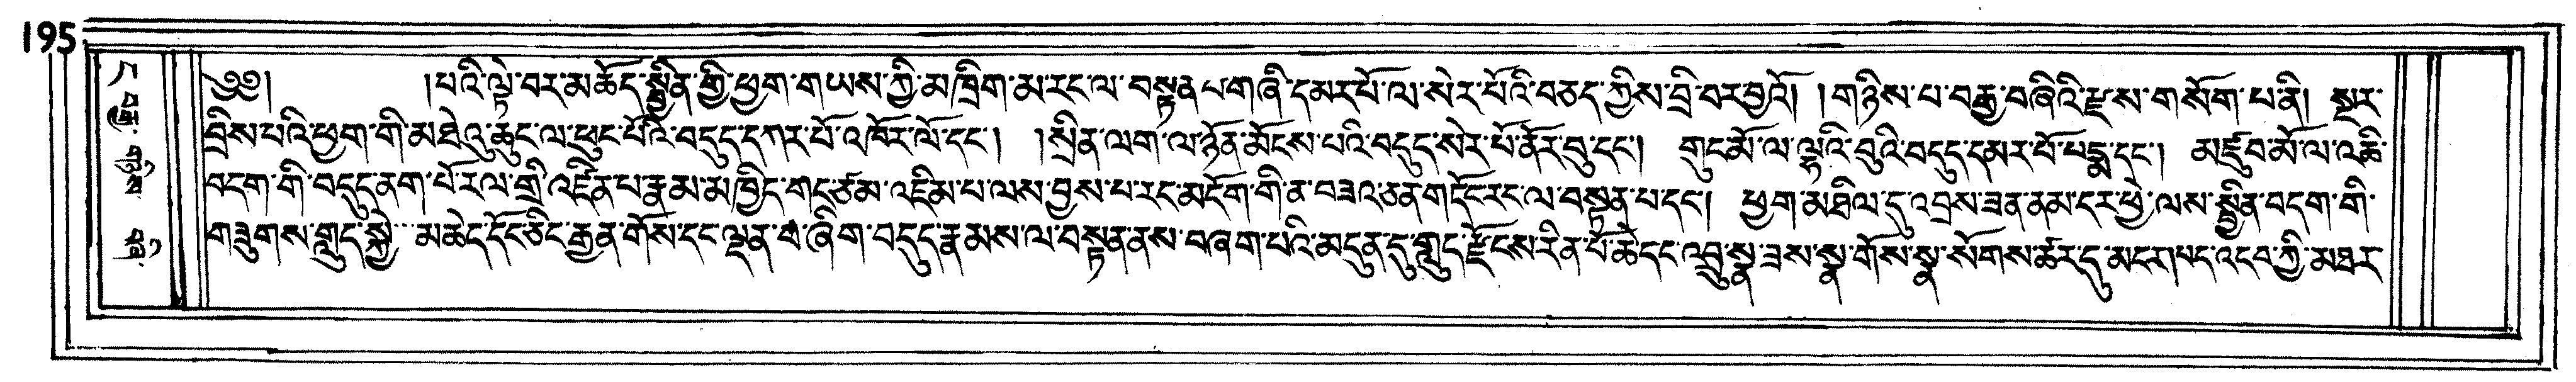༄༅། །པའི་ལྟེ་བར་མཆོད་སྦྱིན་གྱི་ཕྱག་གཡས་ཀྱི་མཁྲིག་མ་རང་ལ་བསྟན་པ་གཞི་དམར་པོ་ལ་སེར་པོའི་བཅད་ཀྱིས་བྲི་བར་བྱའོ། །གཉིས་པ་བརྒྱ་བཞིའི་རྫས་གསོག་པ་ནི། སྔར་
བྲིས་པའི་ཕྱག་གི་མཐེའུ་ཆུང་ལ་ཕུང་པོའི་བདུད་དཀར་པོ་འཁོར་ལོ་དང་། །སྲིན་ལག་ལ་ཉོན་མོངས་པའི་བདུད་སེར་པོ་ནོར་བུ་དང་། གུང་མོ་ལ་ལྷའི་བུའི་བདུད་དམར་པོ་པདམ་དང་། མཛུབ་མོ་ལ་འཆི་
བདག་གི་བདུད་ནག་པོ་རལ་གྲི་འཛིན་པ་རྣམ་མཁྱིད་གང་ཙམ་འཇིམ་པ་ལས་བྱས་པ་རང་མདོག་གི་ན་བཟའ་ཅན་གདོང་རང་ལ་བསྟན་པ་དང་། ཕྱག་མཐིལ་དུ་འབྲས་ཟན་ནམ་དར་ཕྱེ་ལས་སྦྱིན་བདག་གི་
གཟུགས་གླུད་སྐྱེ་མཆེད་དོང་ཅིང་རྒྱན་གོས་དང་ལྡན་བ་ཞིག་བདུད་རྣམས་ལ་བསྟན་ནས་བཞག་པའི་མདུན་དུ་གླུད་རྫོངས་རིན་པོ་ཆེ་དང་འབྲུ་སྣ་ཟས་སྣ་གོས་སྣ་སོགས་ཚར་དུ་མངར། པད་འདབ་ཀྱི་མཐར་